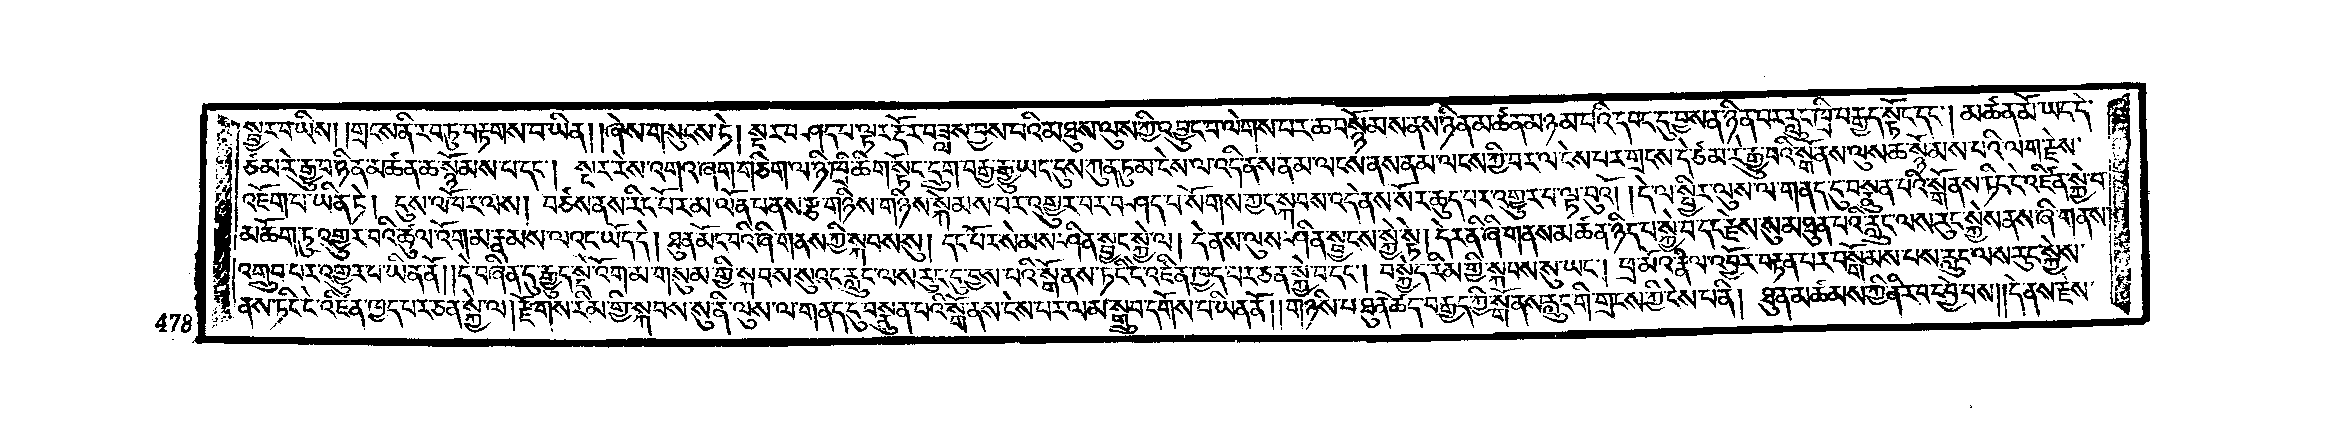སྦྱར་བ་ཡིས། །གྲངས་ནི་རབ་ཏུ་བརྟགས་པ་ཡིན། །ཞེས་གསུངས་ཏེ། སྔར་བཤད་པ་ལྟར་རྡོར་བཟླས་བྱས་པའི་མཐུས་ལུས་ཀྱི་འབྱུང་བ་ལེགས་པར་ཆ་བསྙོམས་ནས་ཉིན་མཚན་མཉམ་པའི་དབང་དུ་བྱས་ན་ཉིན་པར་རླུང་ཁྲི་བརྒྱད་སྟོང་དང་། མཚན་མོ་ཡང་དེ་
ཙམ་རེ་རྒྱུ་བ་ཉིན་མཚན་ཆ་སྙོམས་པ་དང་། སྔར་རེས་འགའ་ཞག་གཅིག་ལ་ཉི་ཁྲི་ཆིག་སྟོང་དྲུག་བརྒྱ་རྒྱུ་ཡང་དུས་ཀུན་ཏུ་མ་ངེས་ལ་འདི་ནས་ནམ་ལངས་ནས་ནམ་ལངས་ཀྱི་བར་ལ་ངེས་པར་གྲངས་དེ་ཙམ་རེ་རྒྱུ་བའི་སྒོ་ནས་ལུས་ཆ་སྙོམས་པའི་ལག་རྗེས་
འཇོག་པ་ཡིན་ཏེ། དུས་འཁོར་ལས། བཙས་ནས་རིང་པོར་མ་ལོན་པ་ནས་རྩ་གཉིས་གཉིས་སྐེམས་པར་འགྱུར་བར་བཤད་པ་སོགས་ཀྱང་སྐབས་འདི་ནས་སོར་ཆུད་པར་འགྱུར་བ་ལྟ་བུའོ། །དེ་ལ་སྤྱིར་ལུས་ལ་གནད་དུ་བསྣུན་པའི་སྒོ་ནས་ཏིང་ངེ་འཛིན་སྐྱེ་བ་
མཆོག་ཏུ་འགྱུར་བའི་ཚུལ་འོག་མ་རྣམས་ལའང་ཡོད་དེ། ཐུན་མོང་བའི་ཞི་གནས་ཀྱི་སྐབས་སུ། དང་པོར་སེམས་ཤིན་སྦྱང་སྐྱེ་ལ། དེ་ནས་ལུས་ཤིན་སྦྱངས་སྐྱེ་སྟེ། དེར་ནི་ཞི་གནས་མཚན་ཉིད་པ་སྐྱེས་བ་དང་རྗེས་སུ་མཐུན་པའི་རླུང་ལས་རུང་སྐྱེས་ནས་ཞི་གནས་
འགྲུབ་པར་འགྱུར་བ་ཡིན་ནོ། །དེ་བཞིན་དུ་རྒྱུད་སྡེ་འོག་མ་གསུམ་གྱི་སྐབས་སུའང་རླུང་ལས་རུང་དུ་བྱས་པའི་སྒོ་ནས་ཏིང་ངེ་འཛིན་ཁྱད་པར་ཅན་སྐྱེ་བ་དང་། བསྐྱེད་རིམ་གྱི་སྐབས་སུ་ཡང་། ཕྲ་མོའི་རྣལ་འབྱོར་བརྟན་པར་བསྒོམས་པས་རླུང་ལས་རུང་སྐྱེས་
ནས་ཏིང་ངེ་འཛིན་ཁྱད་པར་ཅན་སྐྱེ་ལ། རྫོགས་རིམ་གྱི་སྐབས་སུ་ནི་ལུས་ལ་གནད་དུ་བསྣུན་པའི་སྒོ་ནས་ངེས་པར་ལམ་སྒྲུབ་དགོས་པ་ཡིན་ནོ། །གཉིས་པ་ཐུན་ཚེད་བརྒྱད་ཀྱི་སྒོ་ནས་རླུང་གི་གྲངས་ཀྱི་ངེས་པ་ནི། ཐུན་མཚམས་ཀྱི་ནི་རབ་དབྱེ་པས། །དེ་ནས་འྲྗེས་